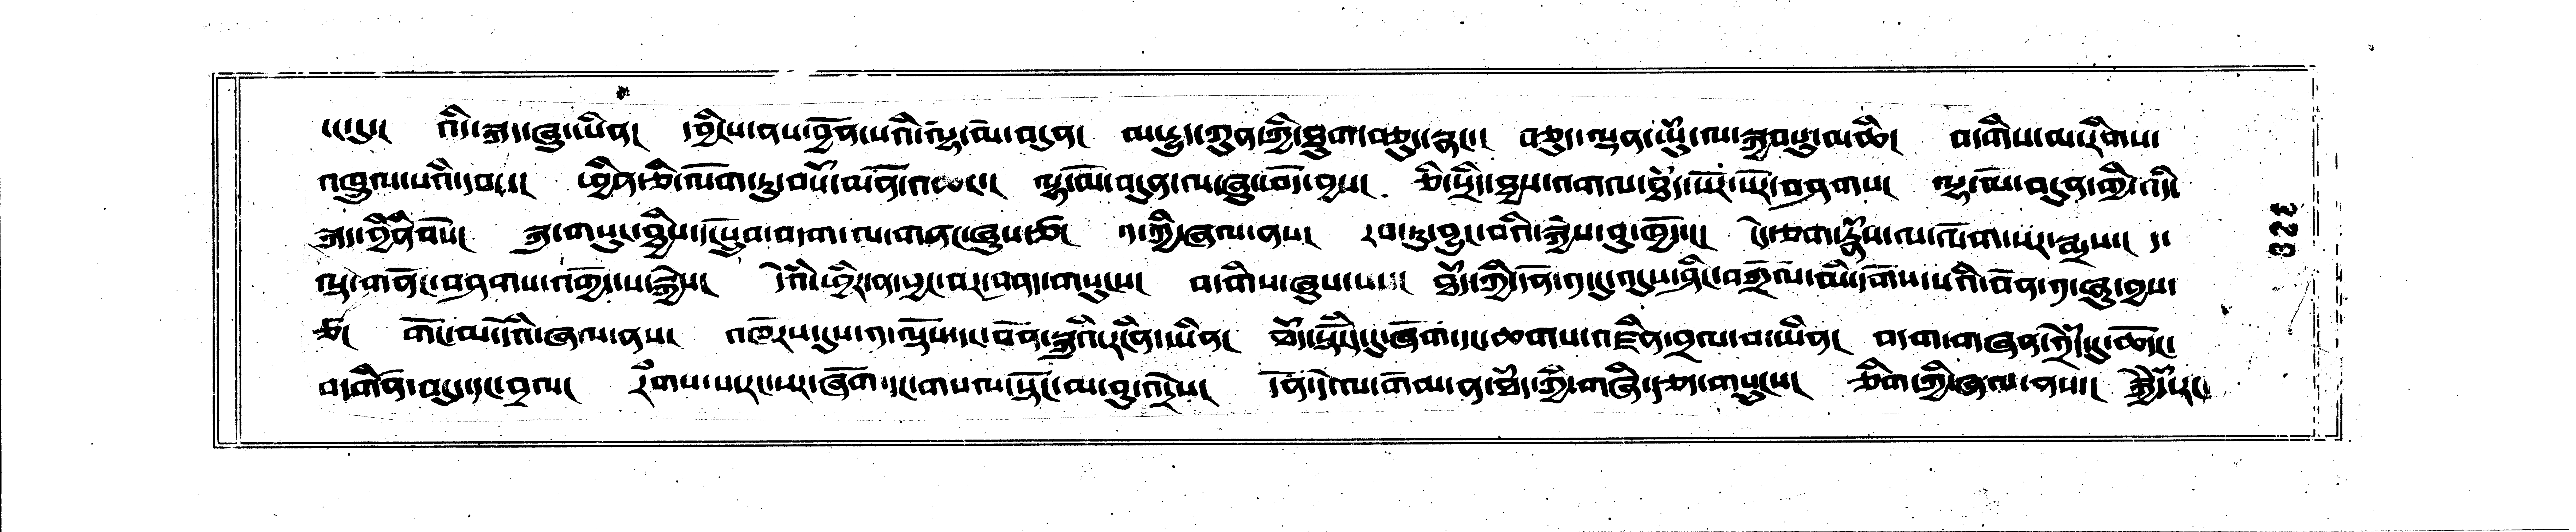ངང་དུ། འདི་སྐད་ཞུས་ཡིན། དབྱིངས་ནས་བྱོན་པའི་ལྷ་མོ་བདུན། །མ་རྒྱུད་ཀུན་གྱི་ཐུགས་བཅུད་སྣང་། །བཅུད་ལྡན་ཡུམ་ལ་སྐྱབས་སུ་མཆི། །བདག་གིས་མ་རིག་
འཁྲུལ་པའི་དབང་། །ཕྱིན་ཅི་ལོག་ཏུ་བསམ་མནོ་འཆང་། །ལྷ་མོ་བདུན་ལ་ཞུ་ཕོད་བྱས། །ཇི་སྲིད་ཐུགས་འགལ་ཐམས་ཅད་སོར་སོར་བཤགས། །ལྷ་མོ་བདུན་གྱིས་འདི་
སྐད་བྱིན་གྱིས་བརླབས་སོ། །སྐུ་གསུམ་ཐུགས་ཀྱི་དངོས་གྲུབ་བདག་ལ་གནང་ཞུས་ཙ། གཅིག་གི་ཞལ་ནས། རབ་ཏུ་བྱུང་བའི་སྐྱེས་བུ་ཁྱོད། །ངེད་ཅག་རྣམས་ལ་ལོག་པར་སྨྲས། །ད་
ལྟ་གནོང་བཤགས་འགྱོད་པ་སྐྱེས། །དེའི་ཕྱིར་ན་བྱང་བར་བཤད་གསུངས། །བདག་གིས་ཞུས་པས། ཐམས་ཅད་དོན་གཅིག་ཏུ་འདུས་ཤིང་བཀྲོལ་མི་དགོས་པའི་བོན་ཅིག་ཞུ་བྱས་
ཙ། གོང་མ་དེའི་ཞལ་ནས། འཁོར་འདས་དུས་གཅིག་ལྟོས་དང་བོན་སྐུའི་རང་བཞིན་ཡིན། །ཐམས་ཅད་སྟོང་ཉིད་དུ་ཞོག་དང་ཆགས་འཛིན་བྲལ་བ་ཡིན། །བདག་གཞན་གཉིས་མེད་དུ་ཆོད་དང་
བདག་འཛིན་བདུད་དང་བྲལ། །རིག་པ་རང་སར་ཞོག་དང་གསལ་སྟོང་མ་བུ་འདྲེས། །དོན་དེ་ལ་གོམས་ན་ཐམས་ཅད་ཀྱི་གཞི་རྩ་གསུངས། །གཅིག་གི་ཞལ་ནས། སྐྱེ་མེད་རང་